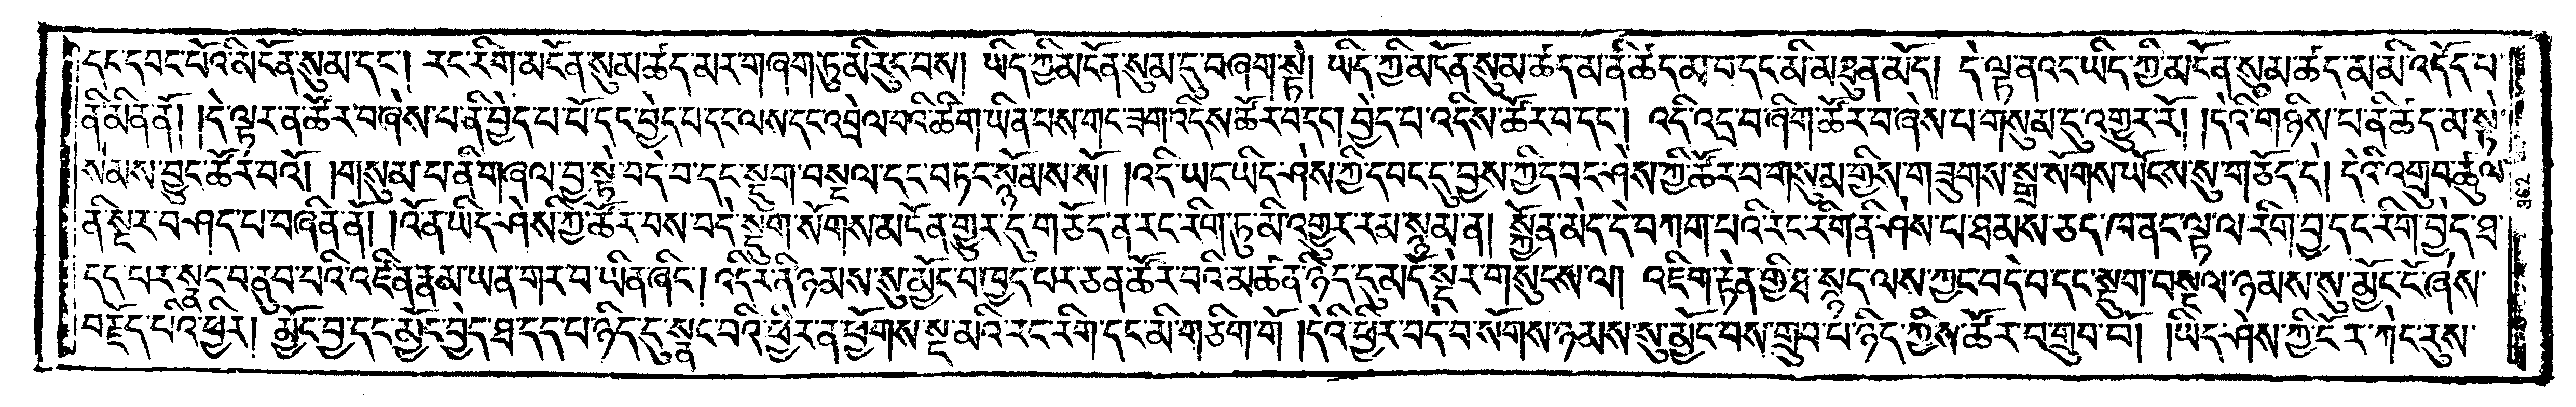དང་དབང་པོའི་མངོན་སུམ་དང་། རང་རིག་མངོན་སུམ་ཚད་མར་གཞག་ཏུ་མི་རུང་བས། ཡིད་ཀྱི་མངོན་སུམ་དུ་བཞག་སྟེ། ཡིད་ཀྱི་མངོན་སུམ་ཚད་མ་ནི་ཚད་མ་བ་དང་མི་མཐུན་མོད། དེ་ལྟ་ནའང་ཡིད་ཀྱི་མངོན་སུམ་ཚད་མ་མི་འདོད་པ་
ནི་མིན་ནོ། །དེ་ལྟར་ན་ཚོར་བ་ཞེས་པ་ནི་བྱེད་པ་པོ་དང་བྱེད་པ་དང་ལས་དང་འབྲེལ་བའི་ཚིག་ཡིན་པས་གང་ཟག་འདིས་ཚོར་བ་དང་། བྱེད་པ་འདིས་ཚོར་བ་དང་། འདི་འདྲ་བ་ཞིག་ཚོར་བ་ཞེས་པ་གསུམ་དུ་འགྱུར་རོ། །དེའི་གཉིས་པ་ནི་ཚད་མ་སྟེ་
སེམས་བྱུང་ཚོར་བའོ། །གསུམ་པ་ནི་གཞལ་བྱ་སྟེ་བདེ་བ་དང་སྡུག་བསྔལ་དང་བཏང་སྙོམས་སོ། །འདི་ཡང་ཡིད་ཤེས་ཀྱི་དབང་དུ་བྱས་ཀྱི་དབང་ཤེས་ཀྱི་ཚོར་བ་གསུམ་གྱིས་གཟུགས་སྒྲ་སོགས་ཡོངས་སུ་གཅོད་དེ། དེའི་འགྲུབ་ཚུལ་
ནི་སྔར་བཤད་པ་བཞིན་ནོ། །འོ་ན་ཡིད་ཤེས་ཀྱི་ཚོར་བས་བདེ་སྡུག་སོགས་མངོན་གྱུར་དུ་གཅོད་ན་རང་རིག་ཏུ་མི་འགྱུར་རམ་སྙམ་ན། སྐྱོན་མེད་དེ་བཀག་པའི་རང་རིག་ནི་ཤེས་པ་ཐམས་ཅད་ཁ་ནང་ལྟ་ལ་རིག་བྱ་དང་རིག་བྱེད་ཐ་
དད་པར་སྣང་བ་ནུབ་པའི་འཛིན་རྣམ་ཡན་གར་བ་ཡིན་ཞིང་། འདིར་ནི་ཉམས་སུ་མྱོང་བ་ཁྱད་པར་ཅན་ཚོར་བའི་མཚན་ཉིད་དུ་མདོ་སྡེར་གསུང་ལ། འཇིག་རྟེན་གྱི་ཐ་སྙད་ལས་ཀྱང་བདེ་བ་དང་སྡུག་བསྔལ་ཉམས་སུ་མྱོང་ངོ་ཞེས་
བརྗོད་པའི་ཕྱིར། མྱོང་བྱ་དང་མྱོང་བྱེད་ཐ་དད་པ་ཉིད་དུ་སྣང་བའི་ཕྱིར་ན་ཕྱོགས་སྔ་མའི་རང་རིག་དང་མི་གཅིག་གོ །དེའི་ཕྱིར་བདེ་བ་སོགས་ཉམས་སུ་མྱོང་བས་གྲུབ་པ་ཉིད་ཀྱིས་ཚོར་བ་གྲུབ་བོ། །ཡིད་ཤེས་ཀྱི་ངོར་ཀེང་རུས་